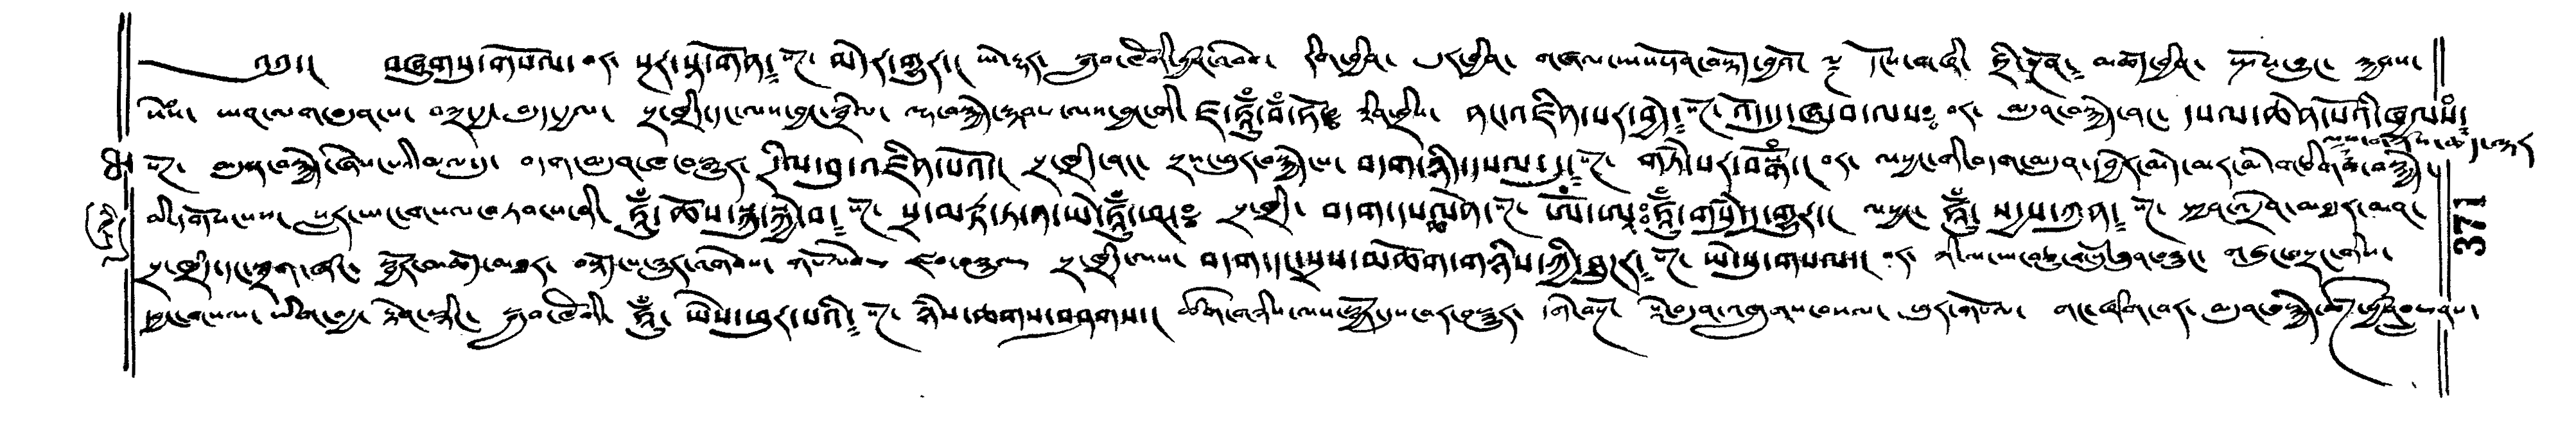བཞུགས་སུ་གསོལ༔ བར། སྔར་སྟ་གོན༴ སོགས། མེད་པར་གྱུར༔ ཡེ་དྷར། སྒྲུབ་ཁོག་གི་བྱིན་འབེབས། རིག་བྱིན། དུར་བྱིན། གཞལ་ཡས་དོན་བསྟོད་བཅས་བྱའོ། ༈ དངོས་གཞི། ཧྲིཿསྔོན༴ མཆོད་བྱིན། སྤོས་ཕྱུང་། སྐྱབས་
སེམས། ཡན་ལག་བདུན་པ། བཀྲ་རྒྱ། བདུད་རྒྱལ། པྲ་ཁྲིད་དང་ལས་བྱང་སྦྲེལ། ལྷ་བསྐྱེད་སྐབས་ལས་བྱང་གི ཛ་ཧཱུྃ་བྃ་ཧོཿ ཟིན་བྲིས། ནང་འཛིན་པར་བྱེད༴ སོགས། འོད་དུ་ཞུ་བ་ལས༴ བར། མདུན་བསྐྱེད་ནང་། དཔལ་ཆེན་པོའི་ཞལ་ཡས༴ 
སོགས། མདུན་བསྐྱེད་ཞེས་པའི་མལ་དུ། བདག་མདུན་ཁ་བསྒྱུར། དྲིལ་བུ་འཛིན་པའོ། པྲ་ཁྲིད་ནང་། སྲས་ཕུར་བསྐྱེད་པ། བདག་ཉིད་དཔལ༴ སོགས། གཏམས་པར་བསྒོམ། བར། ལས་བྱང་གི་བདག་མདུན་དབྱེར་མེད་མར་མེ་གཅིག་ལས་གཉིས་ཆད་ལྟར་བསྐྱེད་
མི་དགོས་པས། སླར་ཡང་གསལ་བཏབ་པ་ནི། ཧཱུྃ༔ཆོས་སྐུ་སྐྱེ་བ༴ སོགས། པྲ་མརྡྷ་ན་ཡེ་ཧཱུྃ་ཕཊཿ པྲ་ཁྲིད། བདག་དཔལ་ཆེན༴ སོགས། ཨོཾ་ཨཱཿཧཱུྃ་གསུམ་དུ་གྱུར། ལས་བྱང་། ཧཱུྃ༔ སངས་རྒྱས་ཀུན༴ སོགས། སྤྱན་འདྲེན་མཐའ་མན་
པྲ་ཁྲིད་དང་སྦྲགས་ཞིང་། སྦྱོར་མཆོད་མཐར། བསྟོད་པ་ཟུར་འགེབས། གསོལ་འདེབས། འཛབ་བསྐུལ། པྲ་ཁྲིད་ལས། བདག་དང་སྲས་མཆོག་གཉིས་ཀྱི་ཐུགས་ཀར༴ སོགས། ཡོངས་སུ་གསལ། བར། ཀི་ལ་ཡ་འབྲུ་བཅུ་གསུམ་ཐུན་བཟུང་།གཞུང་བསྲང་གིས་
དབྱངས་གསལ། ཡིག་བརྒྱ། རྟེན་སྙིང་། སྒྲུབ་ཁོག་གི ཧཱུྃ༔ ཡེ་ཤེས་ཕུར་པའི༴ སོགས། ཉམས་ཆགས་བཤགས༔ ཚིག་གཉིས་ལས་སྦྱོར་དུས་བར་བསྐྱུར། དགེ་བསྔོ། སྡེ་བདུན་འཁྲུགས་བསལ། ཕུར་གསོལ། གང་ཞིག༴ བར་མདུན་བསྐྱེད་ཚོགས་བྱིན་རླབས་ནས་